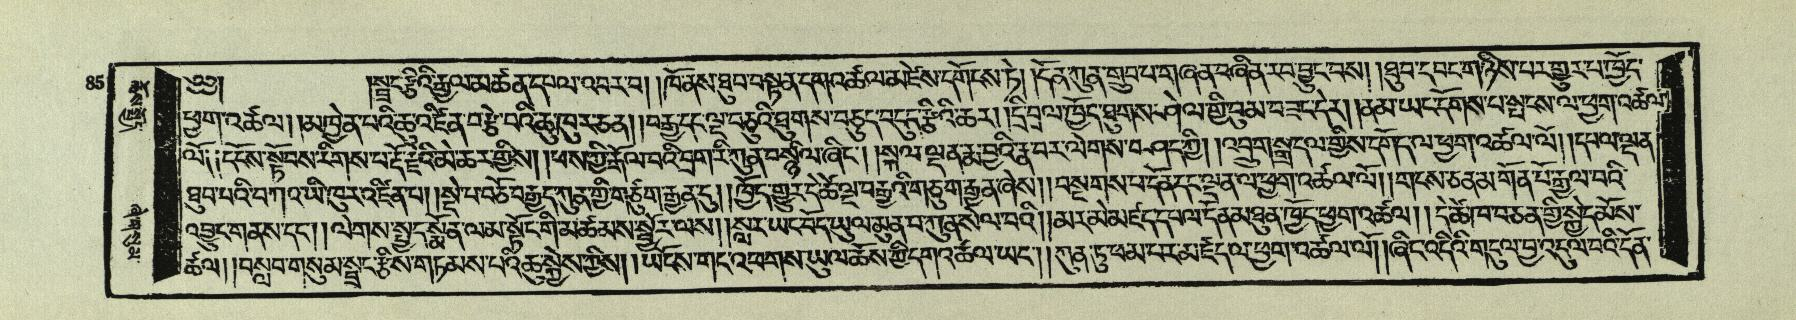༄༅། །སྦྲང་རྩིའི་རྒྱལ་མཚན་དཔལ་འབར་བ། །ཁོ་ནས་ཐུབ་བསྟན་དགའ་ཚལ་མཛེས་དགོངས་ཏེ། །དོན་ཀུན་གྲུབ་པ་གཞན་བཞིན་རབ་བྱུང་བས། །ཐུབ་དབང་གཉིས་པར་གྱུར་པ་ཁྱོད་
ཕྱག་འཚལ། །མཁྱེན་པའི་ཆུ་འཛིན་བརྩེ་བའི་ཆུ་ཁུར་ཅན། །བརྒྱ་དང་ལྔ་བཅུའི་ཐུགས་བཅུད་བདུད་རྩིའི་ཆར། །དྲི་བྲལ་ཁྱོད་ཐུགས་ཤེལ་གྱི་བུམ་བཟང་དེར། །ནམ་ཡང་དོགས་པ་སྤངས་ལ་ཕྱག་འཚལ་
ལོ༑ ༑དངོས་སྟོབས་རིགས་པ་རྡོ་རྗེའི་མེ་ཆར་གྱིས། །ཕས་ཀྱི་རྒོལ་བའི་བྲག་རི་ཀུན་བསྙིལ་ཞིང་། །སྐལ་ལྡན་རྨ་བྱའི་རྣ་བར་ལེགས་བཤད་ཀྱི། །འབྲུག་སྒྲ་དལ་གྱིས་དགོད་ལ་ཕྱག་འཚལ་ལོ། །དཔལ་ལྡན་
ཐུབ་པའི་བཀའ་ཡི་ཁུར་འཛིན་པ། །སྡེ་པ་བཅོ་བརྒྱད་ཀུན་གྱི་གཙུག་རྒྱན་དུ། །ཁྱོད་གྱུར་དེ་ཚེ་ལྔ་བརྒྱའི་གཅུག་རྒྱན་ཞེས། །བསྔགས་པ་དོན་དང་ལྡན་ལ་ཕྱག་འཚལ་ལོ། །གངས་ཅན་མགོན་པོ་རྒྱལ་བའི་
འབྱུང་གནས་དང་། །ལེགས་སྤྱད་སྨོན་ལམ་སྟོང་གི་མཚམས་སྦྱོར་ལས། །སླར་ཡང་བོད་ཡུལ་མུན་བ་ཀུན་སེལ་བའི། །མར་མེ་མཛད་དཔལ་དོན་མཐུན་ཁྱོད་ཕྱག་འཚལ། །དེ་ཚེ་ཁ་བ་ཅན་གྱི་སྐྱེད་མོས་
ཚལ། །བསླབ་གསུམ་སྦྲང་རྩིས་གཏམས་པའི་ཆུ་སྐྱེས་ཀྱིས། །ཡོངས་གང་འཕགས་ཡུལ་ཆོས་ཀྱི་དགའ་ཚལ་ཡང་། །ཀུན་ཏུ་ཕ་མ་པར་མཛད་ལ་ཕྱག་འཚལ་ལོ། །ཞིང་འདིའི་གདུལ་བྱ་འདུལ་བའི་དོན་